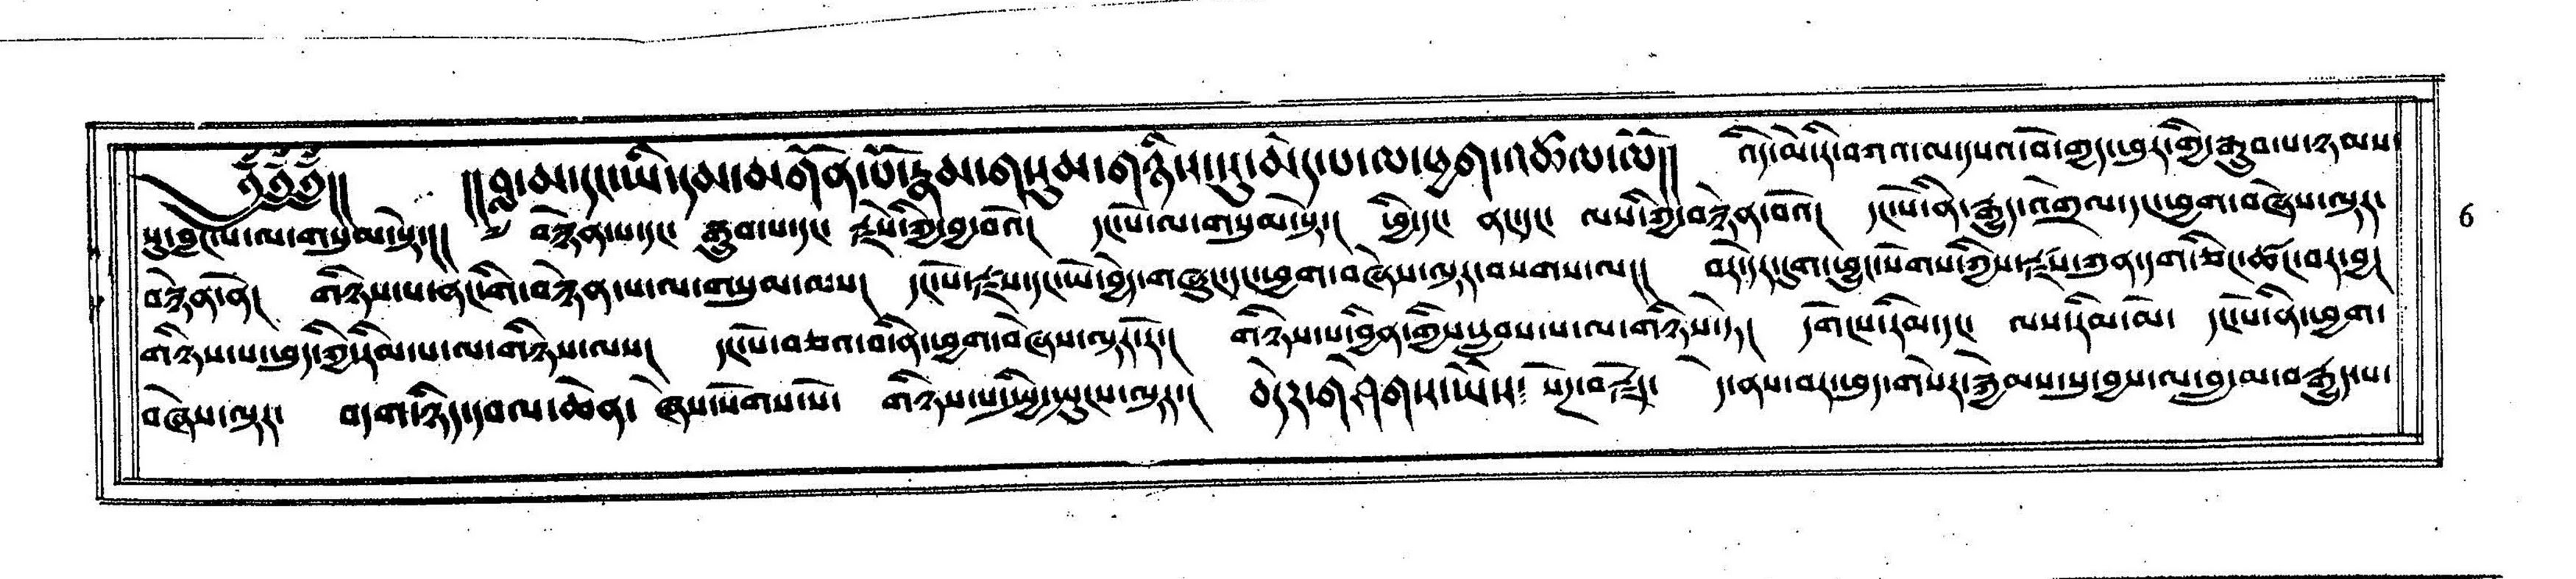༄༅༅།། །།བླ་མ་དང་ཡི་དམ་མགོན་པོ་རྣམ་གསུམ་གཉིས་སུ་མེད་པ་ལ་ཕྱག་འཚལ་ལོ།། འདི་མེ་རི་བཀའ་མ་དཔའ་བོ་གྱད་ཕུར་གྱི་སྒྲུབ་པ་ཉམས་
སུ་བླང་པ་ལ་གསུམ་སྟེ།། ༧ བསྙེན་པ་དང་། སྒྲུབ་པ་དང་། རྗེས་ཀྱི་བྱ་བའོ། དང་པོ་ལ་གསུམ་སྟེ། ཕྱི་དང་ནང་དང་ལས་ཀྱི་བསྙེན་བའོ། དང་པོ་ནི་རྒྱུད་འགྲེལ་དང་ཕྱག་བཞེས་ལྟར་
བསྙེན་ནོ། གཉིས་པ་ནང་གི་བསྙེན་པ་ལ་གསུམ་ལས། དང་པོ་རྫས་དང་ཡོ་བྱད་གཞུང་དང་ཕྱག་བཞེས་ལྟར་བསགས་ལ།། བར་དེར་དུག་ཕྱུང་སོགས་ཀྱིས་རྫས་ཀུན་དག་ཅིང་ཚང་བར་བྱ། 
གཉིས་པ་ཕུད་ཀྱི་རིམ་པ་ལ་གཉིས་ལས། དང་པོ་བཅའ་བ་ནི་ཕྱག་བཞེས་ལྟར་རོ། གཉིས་པ་བྱིན་གྱིས་རླབས་པ་ལ་གཉིས་ཏེ། དགོངས་རིམ་དང་ལས་རིམ་མོ་དང་པོ་ནི་ཕྱག་
བཞེས་ལྟར་བདག་ཉིད་དབལ་ཆེན་ཞེས་སོགས་སོ་གཉིས་པ་སྤྱི་སྤུངས་ལྟར། བདེར་གཤེགས་ཡེ་ཤེས་སོགས་བརྗོད་དེ་ནས་བར་ཕུད་གསེར་སྐྱེམས་སུ་བྱས་ལ་བླ་མ་བརྒྱུད་པ་